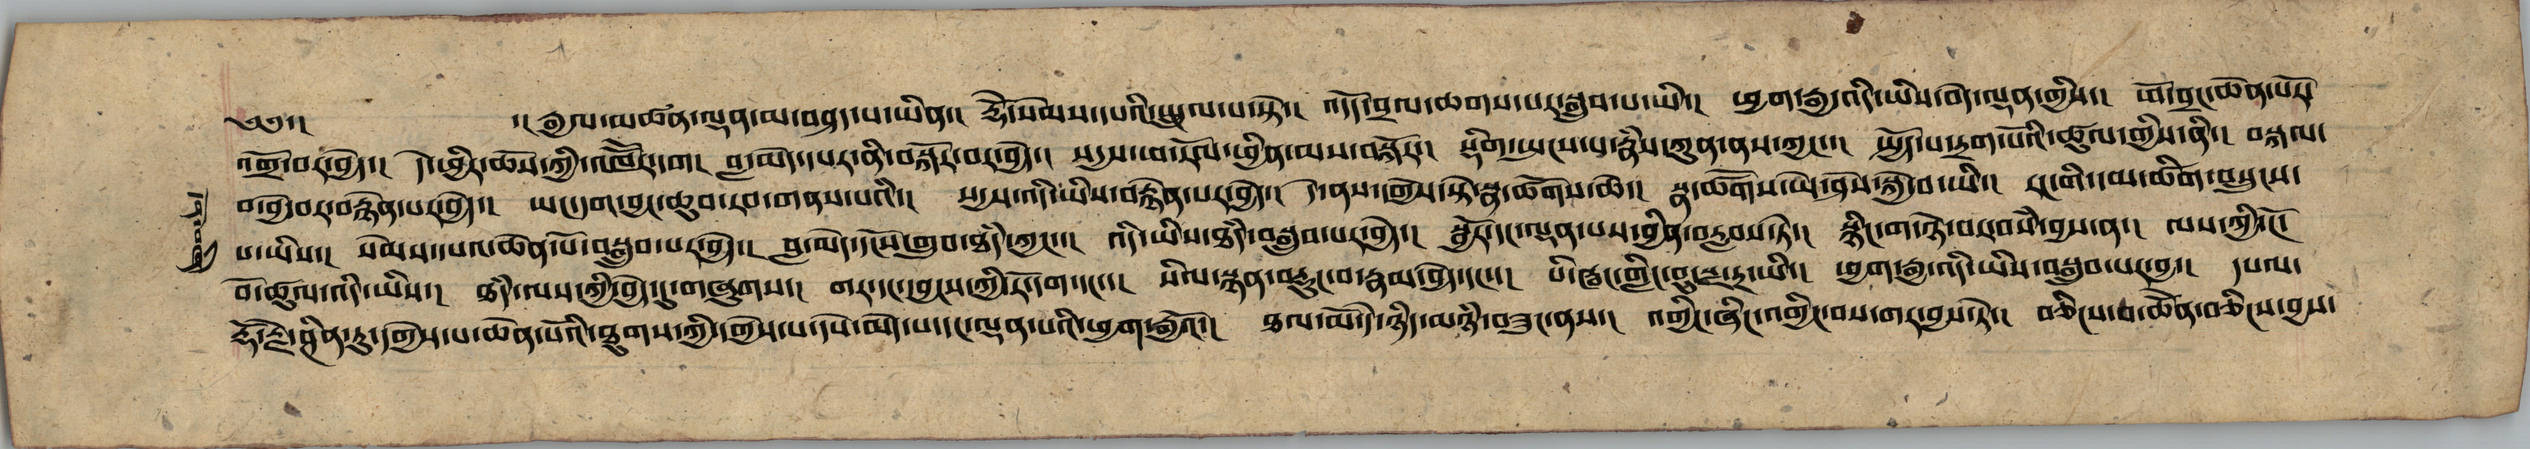༄༅་། ་།རྒྱལ་མཚན་ལྡན་མ་བཤད་པ་ཡིན་། རྡོེ་སེམས་དཔའི་སྤྲུལ་པ་སྟེ་། འདོད་བྲལ་ཆགས་པར་སྒྲུབ་པ་ཡི་། ཕྱག་རྒྱ་འདི་ཡིས་བདེ་ལྡན་གྱིས་། ཕོ་བྲང་ཆེན་པོར་
འགྲོ་བར་བྱེད་། དེ་ཕྱིར་ཆོས་ཀྱི་འཁཽར་དག་། བླ་མེད་དཔར་ནི་བསྐོར་བར་བྱེད་། སདྱས་ཕ་རོལ་ཕྱིན་མས་བསྐོར་། སྡིག་སྤངས་པ་རྣཾས་ཀུན་ནས་ཀྱང་་། སྤྱོད་པ་དྲག་པོའི་ཚུལ་གྱིས་ནི་། བསྐལ་
བ་བྱེ་བར་བརྙེན་པར་བྱེད་། ཡང་དག་བྱང་ཆུབ་རབ་གནས་པའི་། སདྱས་འདི་ཡིས་བརྙེན་པར་བྱེད་། དེ་ནས་དགྱེས་སྟེ་སྣ་ཚོགས་ཆེ་། སྣ་ཚོགས་ཡེ་ཤེས་སྐྱེ་བ་ཡི་། རང་གི་དམ་ཚིག་བསྲུངས་
པ་ཡིས་། སེམས་དཔའ་ཆེན་པོ་བསྒྲུབ་པར་བྱེད་། བླ་མེད་དངོས་གྲུབ་ཐཾད་ཀྱང་་། འདི་ཡིས་ཐཾད་བསྒྲུབ་པར་བྱེད་། སྦྱོར་དང་ལྡན་པས་བྱིན་བརླབས་ཏེ་། སྙིང་ག་ཉེ་བར་བསཾ་བྱས་ན་། ལས་ཀྱི་ངོ་
བོ་ཚུལ་འདི་ཡིས་། ཐཾད་ལས་ཀྱི་བྱེད་དུ་གཞུགས་། གར་དང་དབྱངས་ཀྱི་རོ་དག་དང་་། སིལ་སྙན་བརྡུང་བ་རྣམ་བྱེད་དང་་། པི་ཝང་གླིང་བུ་སྫ་རྔ་ཡི་། ཕྱག་རྒྱ་འདི་ཡིས་བསྒྲུབ་པར་བྱ་། དཔལ་
རྡོ་རྗེ་ཤིན་ཏུ་དགྱེས་པ་ཆེན་པོའི་ཐུགས་ཀྱི་དགྱེས་པ་དཔེ་མེད་པ་དང་ལྡན་པའི་ཕྱག་རྒྱའོ་། ཐལ་མོ་དེ་ཉིད་མཉཾ་བཟུང་ནས་། འགྱིང་ཞིང་འགྱིང་བས་གར་བྱས་ཏེ་། བཅིངས་བ་ཆེནོ་བཅིངས་བྱས་